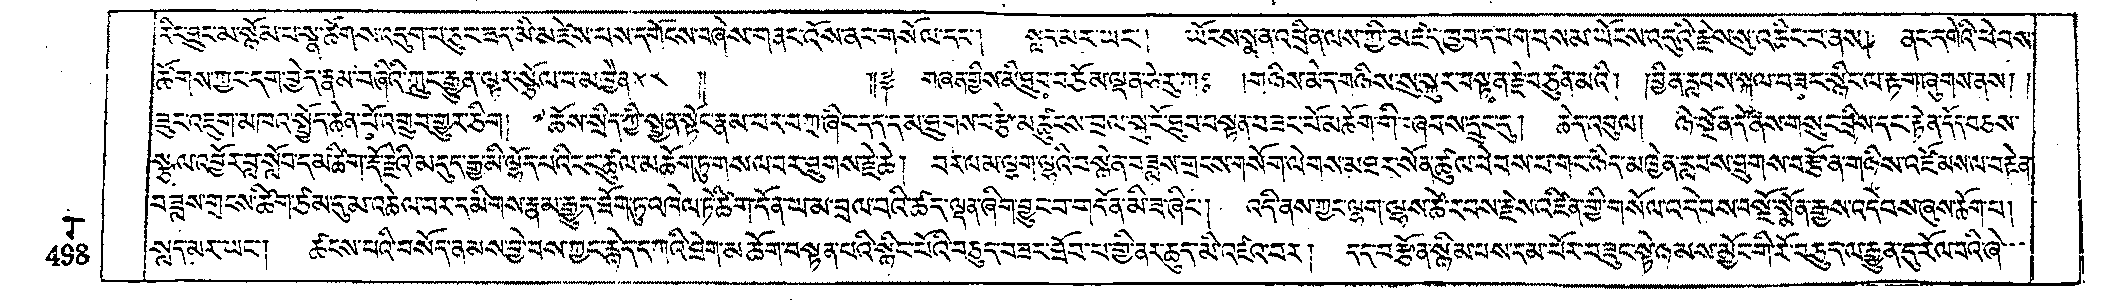རིང་ཐུང་མ་སྙོམ་པ་སྣ་ཚོགས་འདུག་པ་ཅུང་ཟད་མི་མཛེས་པས་དགོངས་བཞེས་གནང་འོས་ནང་གསོལ་དང་། སླད་མར་ཡང་། ཡོངས་སྨན་འཕྲིན་ལས་ཀྱི་མཛད་ཁྱབ་དཔག་བསམ་ཡོངས་འདུའི་རྗེས་སུ་འཆིང་བ་ནས། ནང་དགེའི་ཕེབས་
ཚོགས་ཀྱང་དག་བྱེད་རྣམ་བཞིའི་ཀླུང་རྒྱུན་ལྟར་སྩོལ་བ་མཁྱཻན་྾་྾་།། །།འ་གཞན་གྱིས་མི་ཐུབ྾་བཅོམ་ལྡན་ཧེ་རུ་ཀཿ །གཉིས་མེད་གཉིས་སུ་སྐུར་བསྟན྾་རྗེ་བཙུན་མའི། །བྱིན་རླབས་སྐལ་བཟང྾་སྙིང་ལ་རྟག་ཞུགས་ནས། །
ཟུང་འཇུག་མཁའ་སྤྱོད་ཆེན་པོ྾་འགྲུབ་གྱུར་ཅིག། ༧ཆོས་སྲིད་ཀྱི་སྤྱན་སྟོང་རྣམ་པར་བཀྲ་ཞིང་དད་དམ་ཐུགས་བརྩེ་མཚུངས་བྲལ་སྐུ་ངོ་ཐུབ་བསྟན་བཟང་པོ་མཆོག་གི ༧ཞབས་དྲུང་དུ། ཆེད་འབུལ། ཉེ་སྔོན་དེ་ནས་གསུང་བྲིས་དང་རྟེན་དོད་བཅས་
སྩལ་འབྱོར་བླ་སློབ་དམ་ཚིག་རྡོ་རྗེའི་མདུད་རྒྱ་མི་ལྷོད་པའི་ངང་ཚུལ་མཆོག་ཏུ་གསལ་བར་ཐུགས་རྗེ་ཆེ། བར་ལམ་ལྷག་ལྷའི་བསྙེན་བཟླས་གྲངས་གསོག་ལེགས་མཐར་སོན་ཚུལ་ཕེབས་པ་གང་ཉིད་མཁྱེན་རླབས་ཐུགས་བརྩོན་གཉིས་འཛོམས་ལ་བརྟེན་
བཟླས་གྲངས་ཚིག་ཙམ་དུ་མ་འཆེལ་བར་དམིགས་རྣམ་རྒྱུད་ཐོག་ཏུ་འཁེལ་ཏེ་ཚིག་དོན་ཡ་མ་བྲལ་བའི་ཚད་ལྡན་ཞིག་བྱུང་བ་གདོན་མི་ཟ་ཞིང་། འདི་ནས་ཀྱང་ལྷག་ལྷས་ཚེ་རབས་རྗེས་འཛིན་གྱི་གསོལ་འདེབས་བསྔོ་སྨོན་རྒྱས་འདེབས་ཞུས་ཆོག་པ།
སླད་མར་ཡང་། ཚངས་པའི་བསོད་ནམས་བྱེ་བས་ཀྱང་རྙེད་དཀའི་ཐེག་མཆོག་བསྟན་པའི་སྙིང་པོའི་བཅུད་བཟང་ཐོབ་པ་གྱི་ནར་ཆུད་མི་འཛའ་བར། དད་བརྩོན་སྙིམ་པས་དམ་པོར་བཟུང་སྟེ་ཉམས་མྱོང་གི་རོ་བཅུད་ལ་རྒྱུན་དུ་རོལ་བའི་ཞེ་་་